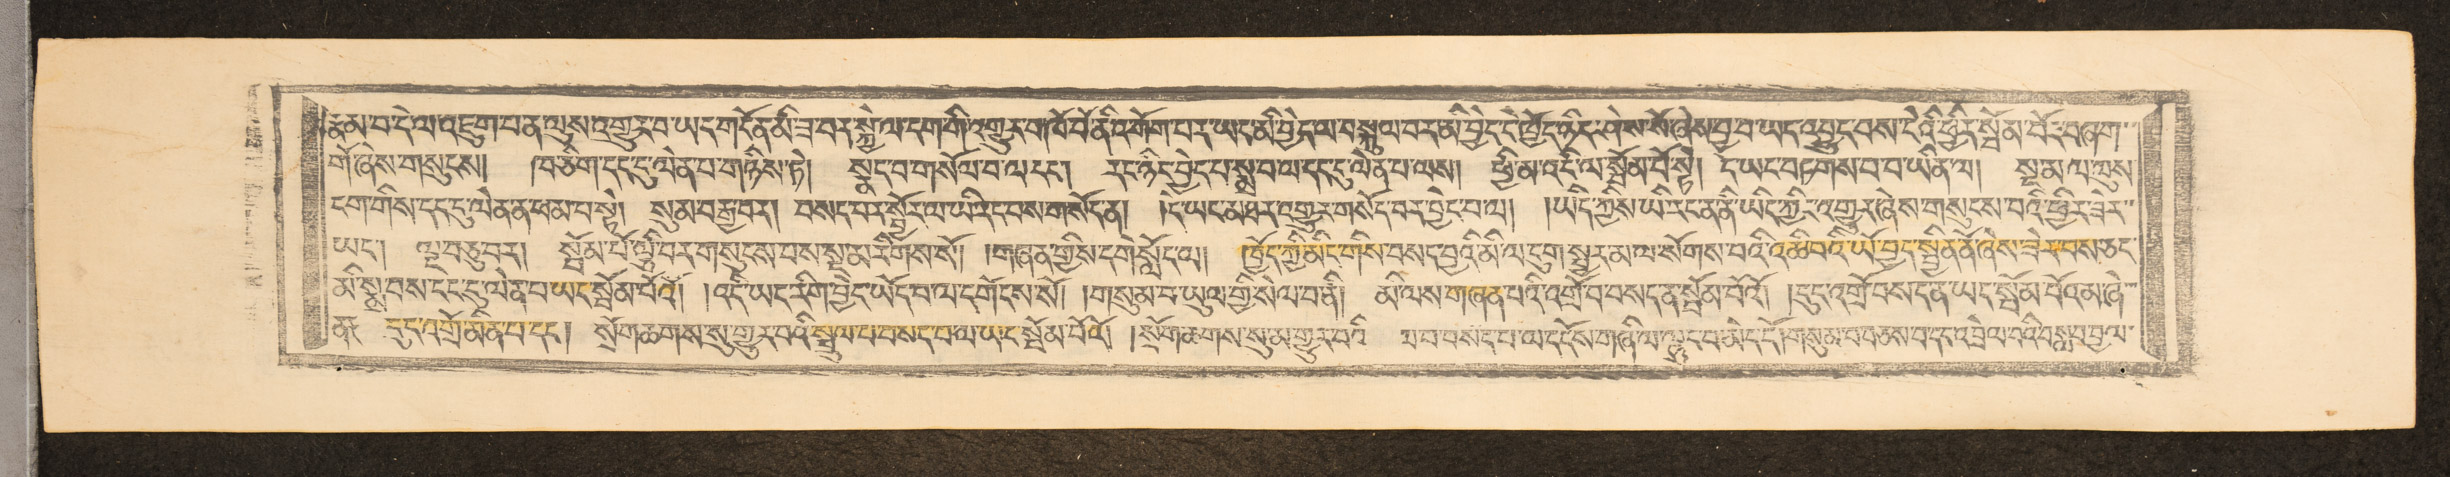རྣམ་པ་དེ་ལ་འཇུག་པ་ན་ལུས་འགྱུར་བ་ཡང་གདོན་མི་ཟ་བར་སྐྱེ་ལ་ངག་གི་འགྱུར་བ་ཁོ་བོ་ནི་འགོག་པར་ཡང་མི་བྱེད་ལ་བསྐུལ་བར་མི་བྱེད་དེ་ཁྱོད་ཉིད་ཤེས་སོ་ཞེས་བྱ་བ་ཡང་འབྱུང་བས་དེའི་ཕྱིར་སྦོམ་པོར་བཞག་
གོ་ཞེས་གསུངས། ཁ་ཅིག་དང་དུ་ལེན་པ་གཉིས་ཏེ། སྣང་བ་གསོལ་བ་ལ་དང་། རང་ཉིད་བྱེད་པ་སྨྲ་བ་ལ་དང་དུ་ལེན་པ་ལས། ཕྱི་མ་འདི་ལ་སྦོམ་པོ་སྟེ། དེ་ཡང་བཏགས་པ་བ་ཡིན་ལ། སྔ་མ་ལ་ལུས་
དག་གིས་དང་དུ་ལེན་ན་ཕམ་པ་སྟེ། སུམ་བརྒྱ་པར། བསད་པར་སྦྱོར་ལ་ཡི་རང་བས་གསོད་ན། །དེ་ཡང་མཐར་འགྱུར་གསོད་པར་བྱེད་པ་ལ། །ཡིད་ཀྱིས་ཡི་རང་ན་ནི་ཡིད་ཀྱིར་འགྱུར་ཞེས་གསུངས་པའི་ཕྱིར་ཟེར་
ཡང་། ལྔ་བཅུ་པར། སྦོམ་པོ་ལྕི་བར་གསུངས་པས་སྔ་མ་རིགས་སོ། །གཞན་གྱིས་དགེ་སློང་ལ། ཁྱོད་ཀྱི་མིང་གིས་བསང་བྱའི་མི་ལ་དུག་སྦྱར་མ་ལ་སོགས་པའི་འཆི་བའི་ཡོ་བྱད་སྦྱིན་ནོ་ཞེས་ཟེར་བས་ཅང་
མི་སྨྲ་བས་དང་དུ་ལེན་པ་ཡང་སྦོམ་པོའོ། །འདི་ཡང་རིག་བྱེད་ཡོད་པ་ལ་དགོངས་སོ། །གསུམ་པ་ཡུལ་གྱི་སེལ་བ་ནི། མི་ལས་གཞན་པའི་འགྲོ་བ་བསད་ན་སྦོམ་པོའོ། །དུད་འགྲོ་བསད་ན་ཡང་སྦོམ་པོའམ་ཞེ་
ན༑ དུད་འགྲོ་མིན་པ་དང་། སྲོག་ཆགས་སུ་གྱུར་པའི་སྤྲུལ་པ་བསད་པ་ལ་ཡང་སྦོམ་པོའོ། །སྲོག་ཆགས་སུ་མ་གྱུར་པའི་སྦྲུལ་པ་བསད་པ་ལ་དངོས་གཞི་ལ་ལྟུང་བ་མེད་དོ་།གསུམ་པ་བཅས་པ་དང་འབྲེལ་བའི་བསླབ་བྱར་